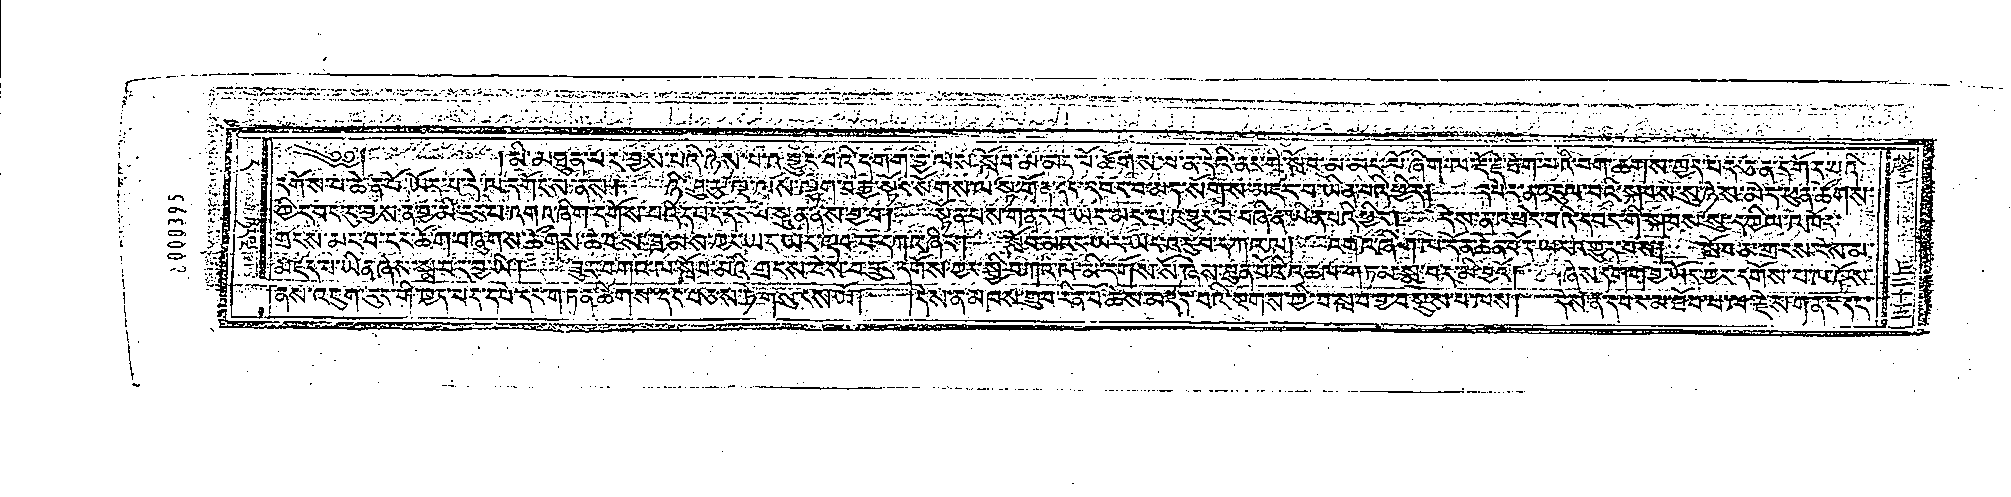༄༅། །མི་མཐུན་པར་བྱས་པའི་ཉེས་པ་འབྱུང་བའི་དགག་བྱ་ལས་སློབ་མ་མང་པོ་ཚོགས་པ་ན་དེའི་ནང་གི་སློབ་མ་མང་པོ་ཞིག་ལ་རྡོ་རྗེ་ཐེག་པའི་བག་ཆགས་ཁྱད་པར་ཅན་དགོད་པའི་
དགོས་པ་ཆེན་པོ་ཡོད་པ་དེ་ལ་དགོངས་ནས། ཉི་ཤུ་རྩ་ལྔ་ལས་ལྷག་བརྒྱ་སྟོང་སོགས་ལ་སྟ་གོན་དང་དབང་བ་མད་སོགས་མཛད་པ་ཡིན་པའི་ཕྱིར། དཔེར་ན་འདུལ་བའི་སྐབས་སུ་ཉེས་མེད་ཕུན་ཚོགས་
ཀྱི་དབང་དུ་བྱས་ན་བྱ་མི་རུང་པ་འགའ་ཞིག་དགོས་པའི་དབང་དང་བསྟུན་ནས་བྱ་བ། སྟོན་པས་གནང་པ་ཡང་མང་པ་འབྱུང་བ་བཞིན་ཡིན་པའི་ཕྱིར། དེས་ན་འཕྲེང་བའི་དབང་གི་སྐབས་སུ་དཀྱིལ་འཁོར་
གྲངས་མང་བ་དང་ཆོག་བཞུགས་ཚོགས་ཆེ་བས་བླ་མས་ཀྱང་ཡང་ཡང་ལྡབ་པ་དཀའ་ཞིང་། སློབ་མའང་ཡང་ཡང་འདུ་བ་དཀའ་ལ། འགའ་ཞིག་ལ་དོན་ཆེན་པོར་ཡང་འགྱུར་པས། སློབ་མ་གྲངས་ངེས་མ་
མཛད་པ་ཡིན་ཞེས་སྨྲ་བར་བྱ་ཡི། ཟུར་བཀའ་ལ་སློབ་མའི་གྲངས་ངེས་བཟུང་དགོས་ཀྱང་སྤྱི་བཀའ་ལ་མི་དགོས་སོ་ཞེས་བླུན་པོའི་འཆལ་གཏམ་སྨྲ་བར་མི་བྱའོ། ཞེས་དགག་བྱ་ཡོད་ཀྱང་དགོས་པ་ལ་ལྟོས་
ནས་འཇུག་རུང་གི་ཁྱད་པར་དཔེ་དང་གཏན་ཚིགས་དང་བཅས་ཏེ་གསུངས་ཡོ། །དེས་ན་མཁས་གྲུབ་རིན་པོ་ཆེས་མཛད་བའི་སྔགས་ཀྱི་བསླབ་བྱ་བསྡུས་པ་ལས། དེས་ན་དབང་མ་ཐོབ་པ་ལ་རྗེས་གནང་དང་